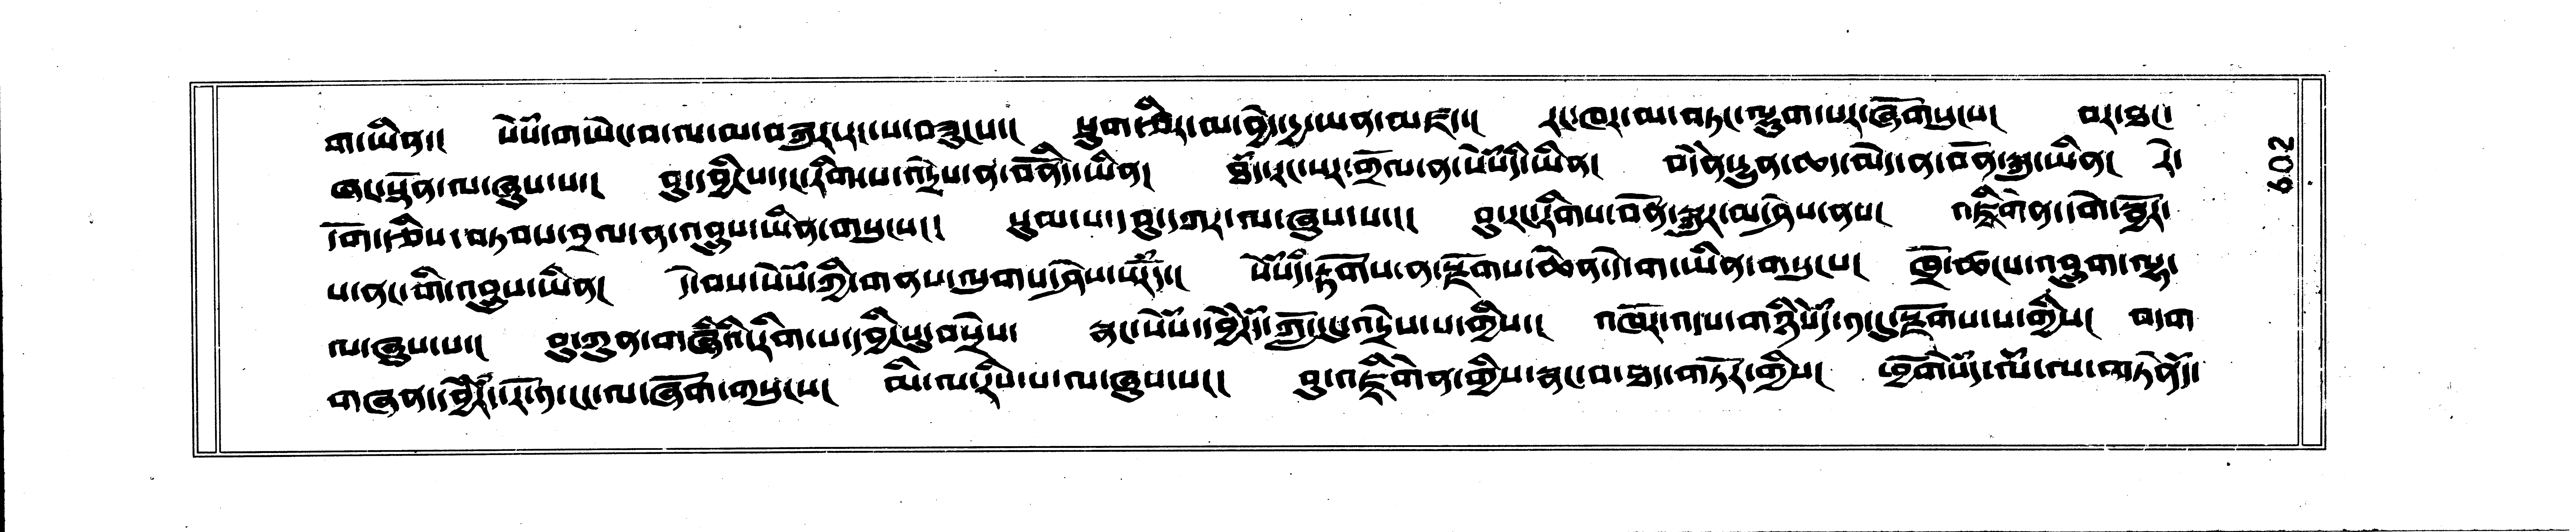ཀ་ཡིན། སེམས་ཡེང་བ་ལ་མ་སྐུར་རང་ས་ཟུང་། སྡུག་ཙིར་མ་བྱེད་རྒྱ་ཡན་གྱིས། རང་ཁར་མ་བཏང་ལྷུག་པར་ཞོག་གསུངས། བར་ཏང་
ཞང་སྟོན་ལ་ཞུས་པ། བུ་དབྱིངས་དང་རིག་པ་འདྲེན་ན་བོན་ཉིད་ཡིན། ཐམས་ཅད་རང་སར་གྲོལ་ན་སེམས་ཉིད་ཡིན། བདེར་གཤེགས་རྒྱུན་ཆད་མེད་ན་བོན་སྐུ་ཡིན། རེ་
དོག་རྩིས་བརྡབ་བྲལ་ན་འབྲས་བུ་ཡིན་གསུངས། སུམ་པ་དབུ་གར་ལ་ཞུས་པ། བུ་རང་རིག་བོན་སྐུ་མ་ཤེས་ན། འཇིག་རྟེན་གྱི་དགེ་སྦྱོར་རིམ་པ་ནང་གི་འབྲས་བུ་ཡིན། འཇིག་རྟེན་དགེ་སྦྱོར་
ནི་རམ་པ་ནང་གི་འབྲས་བུ་ཡིན། དེ་བས་སེམས་ཀྱི་གནས་ལུགས་ཤེས་པར་མཛོད། སེམས་ཉིད་རྟོག་ན་རྫོག་ཆེན་དེ་ཀ་ཡིན་གསུངས། ཁྲོ་ཚངས་འབྲུག་ལྷའི་
ཞལ་གསུངས་པས། བུ་ཀུན་གཞི་རིག་པ་དབྱིངས་སུ་འདྲེས། སྣང་སེམས་གཉིས་མེད་ཀློང་དུ་སངས་བར་གྱིས། འཁོར་འདས་བྱར་མེད་གཅིག་ཏུ་རྫོགས་པར་གྱིས། བདག་
གཞན་དབྱེར་མེད་རོ་གཅིག་ངང་ལ་ཞོག་གསུངས། མི་ལ་རས་པ་ལ་ཞུས་པས། བུ་འཛིན་མེད་གྱི་སྣང་བ་ཐད་གཏོར་གྱིས། ཕྱོགས་མེད་ལམ་ལ་གཏད་མེད་